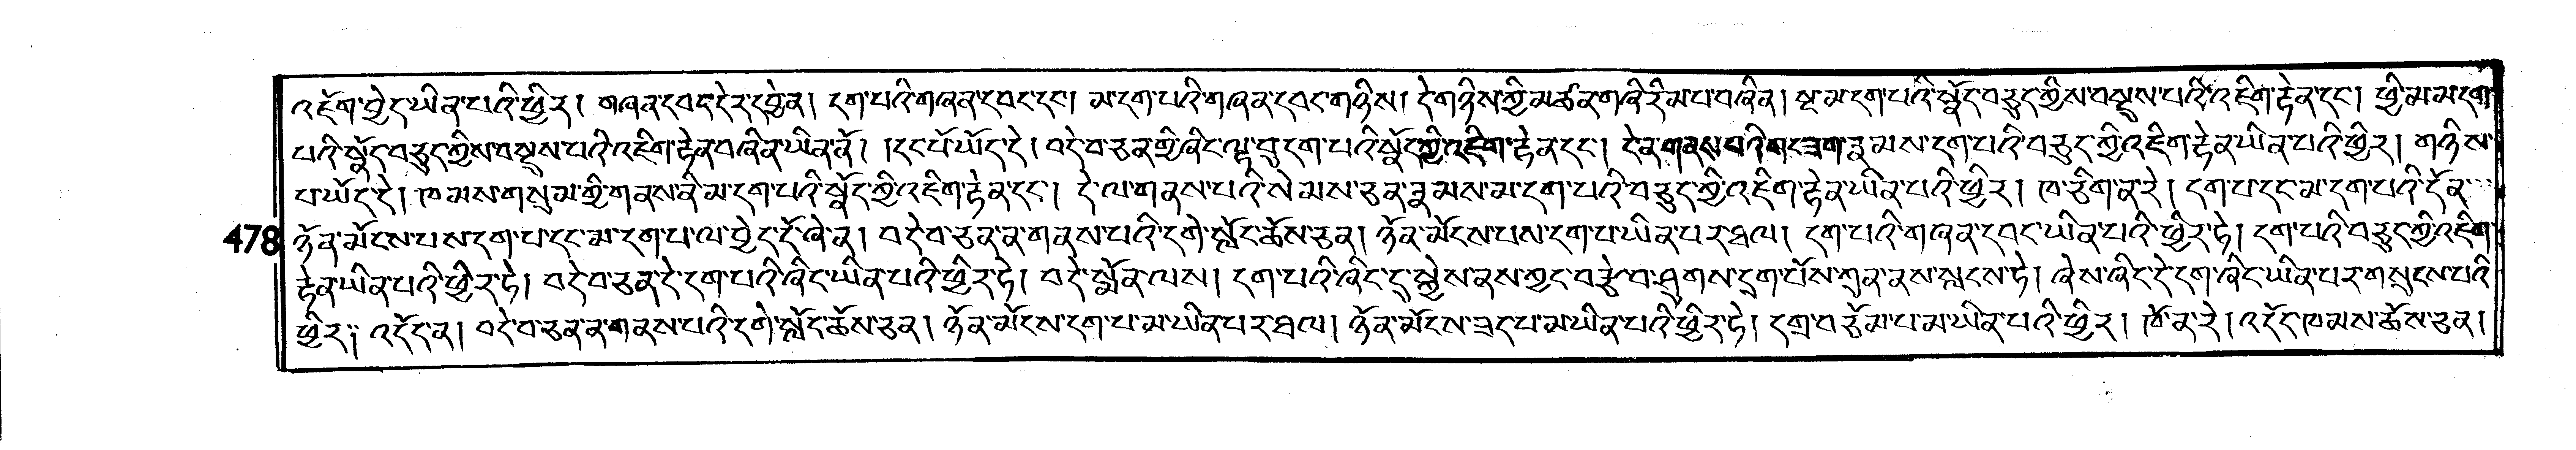འཇོག་བྱེད་ཡིན་པའི་ཕྱིར། གཞན་དབང་དེར་དབྱེ་ན། དག་པའི་གཞན་དབང་དང་། མ་དག་པའི་གཞན་དབང་གཉིས། དེ་གཉིས་ཀྱི་མཚན་གཞི་རིམ་པ་བཞིན། སྔ་མ་དག་པའི་སྣོད་བཅུད་ཀྱིས་བསྡུས་པའི་འཇིག་རྟེན་དང་། ཕྱི་མ་མ་དག་
པའི་སྣོད་བཅུད་ཀྱིས་བསྡུས་པའི་འཇིག་རྟེན་བཞིན་ཡིན་ནོ། །དང་པོ་ཡོད་དེ། བདེ་བ་ཅན་གྱི་ཞིང་ལྟ་བུ་དག་པའི་སྣོད་ཀྱི་འཇིག་རྟེན་དང་། དེ་ན་གནས་པའི་གང་ཟག་རྣམས་དག་པའི་བཅུད་ཀྱི་འཇིག་རྟེན་ཡིན་པའི་ཕྱིར། གཉིས་
པ་ཡོད་དེ། ཁམས་གསུམ་གྱི་གནས་ནི་མ་དག་པའི་སྣོད་ཀྱི་འཇིག་རྟེན་དང་། དེ་ལ་གནས་པའི་སེམས་ཅན་རྣམས་མ་དག་པའི་བཅུད་ཀྱི་འཇིག་རྟེན་ཡིན་པའི་ཕྱིར། ཁ་ཅིག་ན་རེ། དག་པ་དང་མ་དག་པའི་དོན་
ཉོན་མོངས་པས་དག་པ་དང་མ་དག་པ་ལ་བྱེད་དོ་ཞེ་ན། བདེ་བ་ཅན་ན་གནས་པའི་དགེ་སློང་ཆོས་ཅན། ཉོན་མོངས་པས་དག་པ་ཡིན་པར་ཐལ། དག་པའི་གཞན་དབང་ཡིན་པའི་ཕྱིར་ཏེ། དག་པའི་བཅུད་ཀྱི་འཇིག་
རྟེན་ཡིན་པའི་ཕྱིར་ཏེ། བདེ་བ་ཅན་དེ་དག་པའི་ཞིང་ཡིན་པའི་ཕྱིར་ཏེ། བདེ་སྨོན་ལས། དག་པའི་ཞིང་དུ་སྐྱེས་ནས་ཀྱང་བརྩེ་བ་ཤུགས་དྲག་པོས་ཀུན་ནས་སླངས་ཏེ། ཞེས་ཞིང་དེ་དག་ཞིང་ཡིན་པར་གསུངས་པའི་
ཕྱིར༑ འདོད་ན། བདེ་བ་ཅན་ན་གནས་པའི་དགེ་སློང་ཆོས་ཅན། ཉོན་མོངས་དག་པ་མ་ཡིན་པར་ཐལ། ཉོན་མོངས་ཟད་པ་མ་ཡིན་པའི་ཕྱིར་ཏེ། དགྲ་བཅོམ་པ་མ་ཡིན་པའི་ཕྱིར། ཁོ་ན་རེ། འདོད་ཁམས་ཆོས་ཅན།